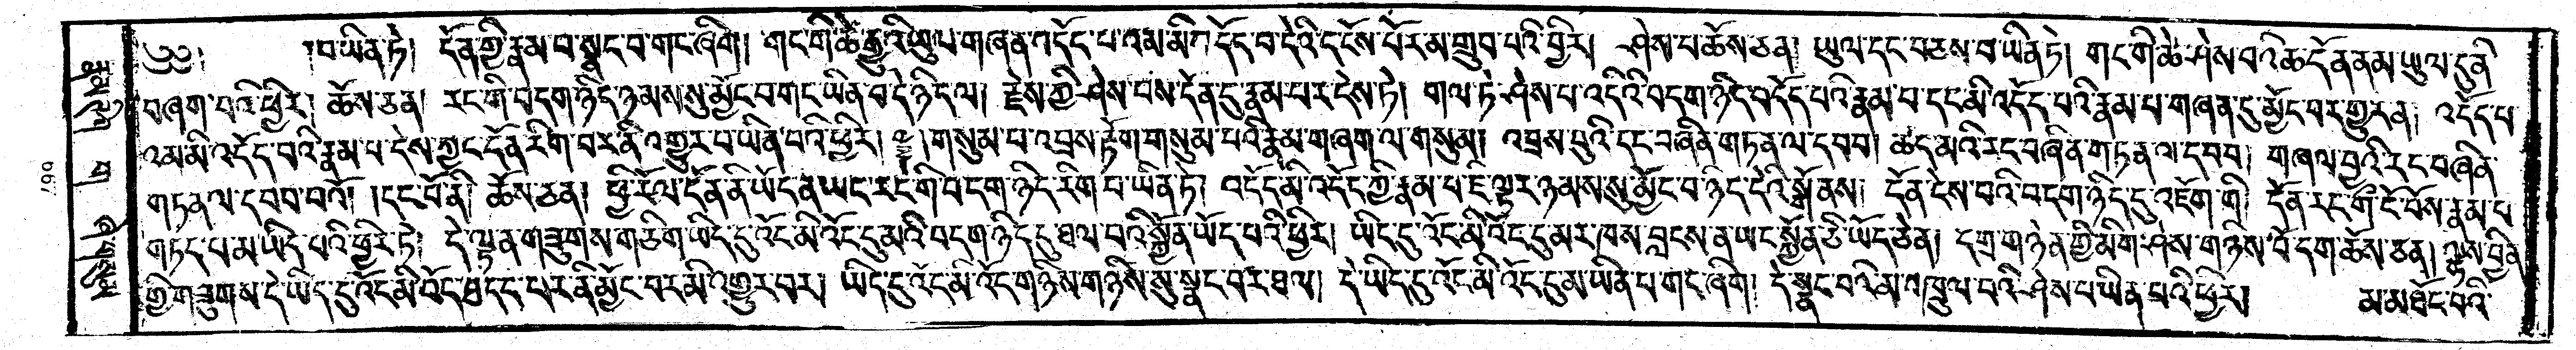༄༅། །བ་ཡིན་ཏེ། དོན་གྱི་རྣམ་པ་སྣང་བ་གང་ཞིག། གང་གི་ཚེ་རྒྱུའི་ཡུལ་གཞན་འདོད་པའམ་མི་འདོད་བ་དེའི་དངོས་པོར་མ་གྲུབ་པའི་བྱིར། ཤེས་པ་ཆོས་ཅན། ཡུལ་དང་བཅས་པ་ཡིན་ཏེ། གང་གི་ཆེ་ཤེས་པའི་ཆ་དོན་ནམ་ཡུལ་དུ་ནི་
བཞག་པའི་ཕྱིར། ཆོས་ཅན། རང་གི་བདག་ཉིད་ཉམས་སུ་མྱོང་བ་གང་ཡིན་པ་དེ་ཉིད་ལ། རྗེས་ཀྱི་ཤེས་པས་དོན་དུ་རྣམ་པར་ངེས་ཏེ། གལ་ཏེ་ཤེས་པ་འདིའི་བདག་ཉིད་བདོད་པའི་རྣམ་པ་དང་མི་འདོད་པའི་རྣམ་པ་གཞན་དུ་མྱོང་བར་གྱུར་ན། འདོད་པ་
འམ་མི་འདོད་པའི་རྣམ་པ་དེས་ཀྱང་དོན་རིག་པར་ནི་འགྱུར་བ་ཡིན་པའི་ཕྱིར། ༈ །གསུམ་པ་འབྲས་རྟོག་གསུམ་པའི་རྣམ་གཞག་ལ་གསུམ། འབྲས་བུའི་དང་བཞིན་གཏན་ལ་དབབ། ཚད་མའི་རང་བཞིན་གཏན་ལ་དབབ། གཞལ་བྱའི་རང་བཞིན་
གཏན་ལ་དབབ་བའོ། །དང་པོ་ནི། ཆོས་ཅན། ཕྱི་རོལ་དོན་ནི་ཡོད་ན་ཡང་རང་གི་བདག་ཉིད་རིག་པ་ཡིན་ཏེ། འདོད་མི་འདོད་ཀྱི་རྣམ་པ་ཇི་ལྟར་ཉམས་སུ་མྱོང་བ་ཉིད་དེའི་སྒོ་ནས། དོན་ངེས་པའི་བདག་ཉིད་དུ་འཇོག་གི། དོན་རང་གི་ངོ་བོས་རྣམ་པ་
གཏད་པ་མ་ཡིད་པའི་ཕྱིར་ཏེ། དེ་ལྟ་ན་གཟུགས་གཅིག་ཡིད་དུ་འོང་མི་འོང་དུ་མའི་བདག་ཉིད་དུ་ཐལ་བའི་སྐྱོན་ཡོད་པའི་ཕྱིར། ཡིད་དུ་འོང་མི་འོང་དུ་མར་ཁས་བླངས་ན་ཡང་སྐྱོན་ཅི་ཡོད་ཅེ་ན། དགྲ་གཉེན་གྱི་མིག་ཤེས་གཉིས་བོ་དག་ཆོས་ཅན། ལྷས་བྱིན་
གྱི་གཟུགས་དེ་ཡིད་དུ་འོང་མི་འོད་ཐ་དད་པར་ནི་མྱོང་བར་མི་འགྱུར་བར། ཡིད་དུ་འོང་མི་འོང་གཉིས་སུ་སྣང་བར་ཐལ། དེ་ཡིད་དུ་འོང་མི་འོང་དུ་མ་ཡིན་པ་གང་ཞིག། དེ་སྣང་བའི་མ་འཁྲུལ་པའི་ཤེས་པ་ཡིན་པའི་ཕྱིར། མ་མཐོང་བའི་